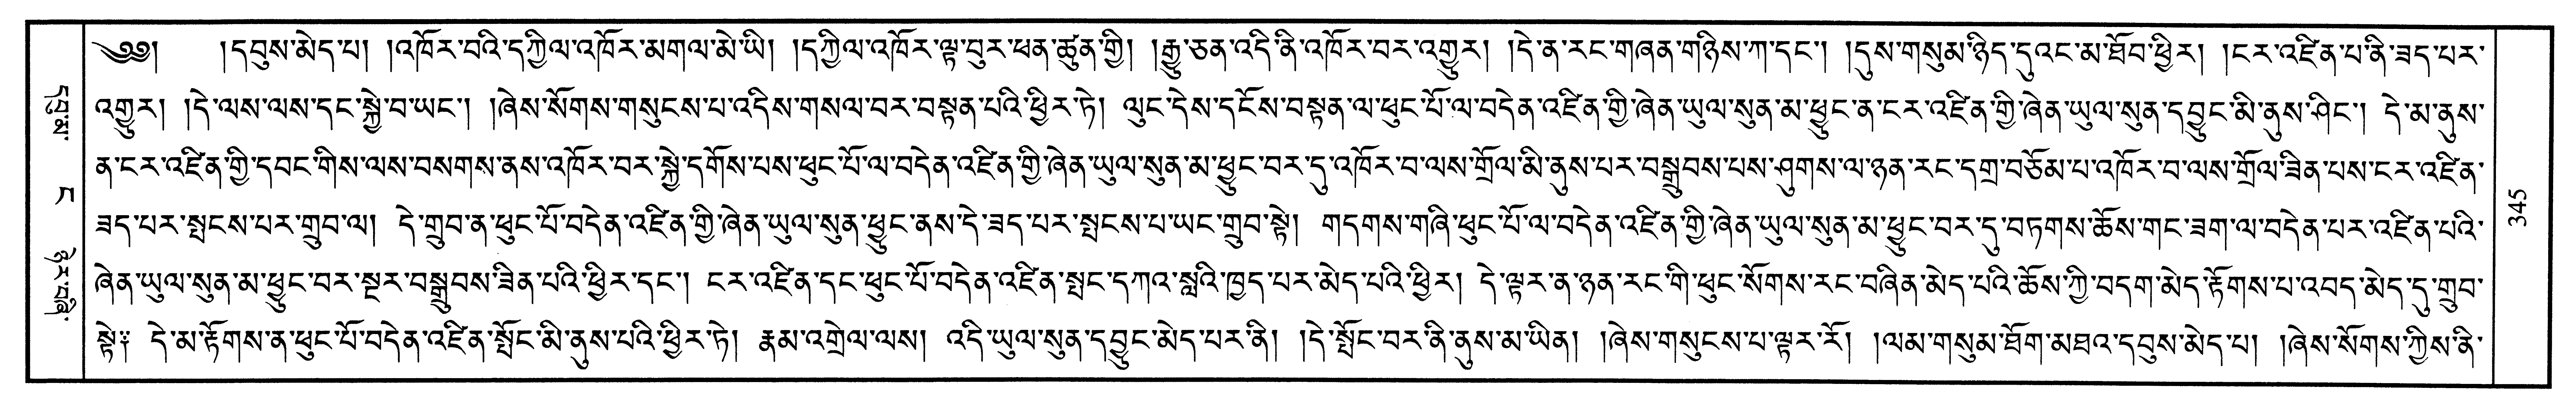༄༅། །དབུས་མེད་པ། །འཁོར་བའི་དཀྱིལ་འཁོར་མགལ་མེ་ཡི། །དཀྱིལ་འཁོར་ལྟ་བུར་ཕན་ཚུན་གྱི། །རྒྱུ་ཅན་འདི་ནི་འཁོར་བར་འགྱུར། །དེ་ན་རང་གཞན་གཉིས་ཀ་དང་། །དུས་གསུམ་ཉིད་དུའང་མ་ཐོབ་ཕྱིར། །ངར་འཛིན་པ་ནི་ཟད་པར་
འགྱུར། །དེ་ལས་ལས་དང་སྐྱེ་བ་ཡང་། །ཞེས་སོགས་གསུངས་པ་འདིས་གསལ་བར་བསྟན་པའི་ཕྱིར་ཏེ། ལུང་དེས་དངོས་བསྟན་ལ་ཕུང་པོ་ལ་བདེན་འཛིན་གྱི་ཞེན་ཡུལ་སུན་མ་ཕྱུང་ན་ངར་འཛིན་གྱི་ཞེན་ཡུལ་སུན་དབྱུང་མི་ནུས་ཤིང་། །དེ་མ་ནུས་
ན་ངར་འཛིན་གྱི་དབང་གིས་ལས་བསགས་ནས་འཁོར་བར་སྐྱེ་དགོས་པས་ཕུང་པོ་ལ་བདེན་འཛིན་གྱི་ཞེན་ཡུལ་སུན་མ་ཕྱུང་བར་དུ་འཁོར་བ་ལས་གྲོལ་མི་ནུས་པར་བསྒྲུབས་པས་ཤུགས་ལ་ཉན་རང་དགྲ་བཅོམ་པ་འཁོར་བ་ལས་གྲོལ་ཟིན་པས་ངར་འཛིན་
ཟད་པར་སྤངས་པར་གྲུབ་ལ། དེ་གྲུབ་ན་ཕུང་པོ་བདེན་འཛིན་གྱི་ཞེན་ཡུལ་སུན་ཕྱུང་ནས་དེ་ཟད་པར་སྤངས་པ་ཡང་གྲུབ་སྟེ། གདགས་གཞི་ཕུང་པོ་ལ་བདེན་འཛིན་གྱི་ཞེན་ཡུལ་སུན་མ་ཕྱུང་བར་དུ་བཏགས་ཆོས་གང་ཟག་ལ་བདེན་པར་འཛིན་པའི་
ཞེན་ཡུལ་སུན་མ་ཕྱུང་བར་སྔར་བསྒྲུབས་ཟིན་པའི་ཕྱིར་དང་། ངར་འཛིན་དང་ཕུང་པོ་བདེན་འཛིན་སྤང་དཀའ་སླའི་ཁྱད་པར་མེད་པའི་ཕྱིར། དེ་ལྟར་ན་ཉན་རང་གི་ཕུང་སོགས་རང་བཞིན་མེད་པའི་ཆོས་ཀྱི་བདག་མེད་རྟོགས་པ་འབད་མེད་དུ་གྲུབ་
སྟེ༑ དེ་མ་རྟོགས་ན་ཕུང་པོ་བདེན་འཛིན་སྤོང་མི་ནུས་པའི་ཕྱིར་ཏེ། རྣམ་འགྲེལ་ལས། འདི་ཡུལ་སུན་དབྱུང་མེད་པར་ནི། །དེ་སྤོང་བར་ནི་ནུས་མ་ཡིན། །ཞེས་གསུངས་པ་ལྟར་རོ། །ལམ་གསུམ་ཐོག་མཐའ་དབུས་མེད་པ། །ཞེས་སོགས་ཀྱིས་ནི་